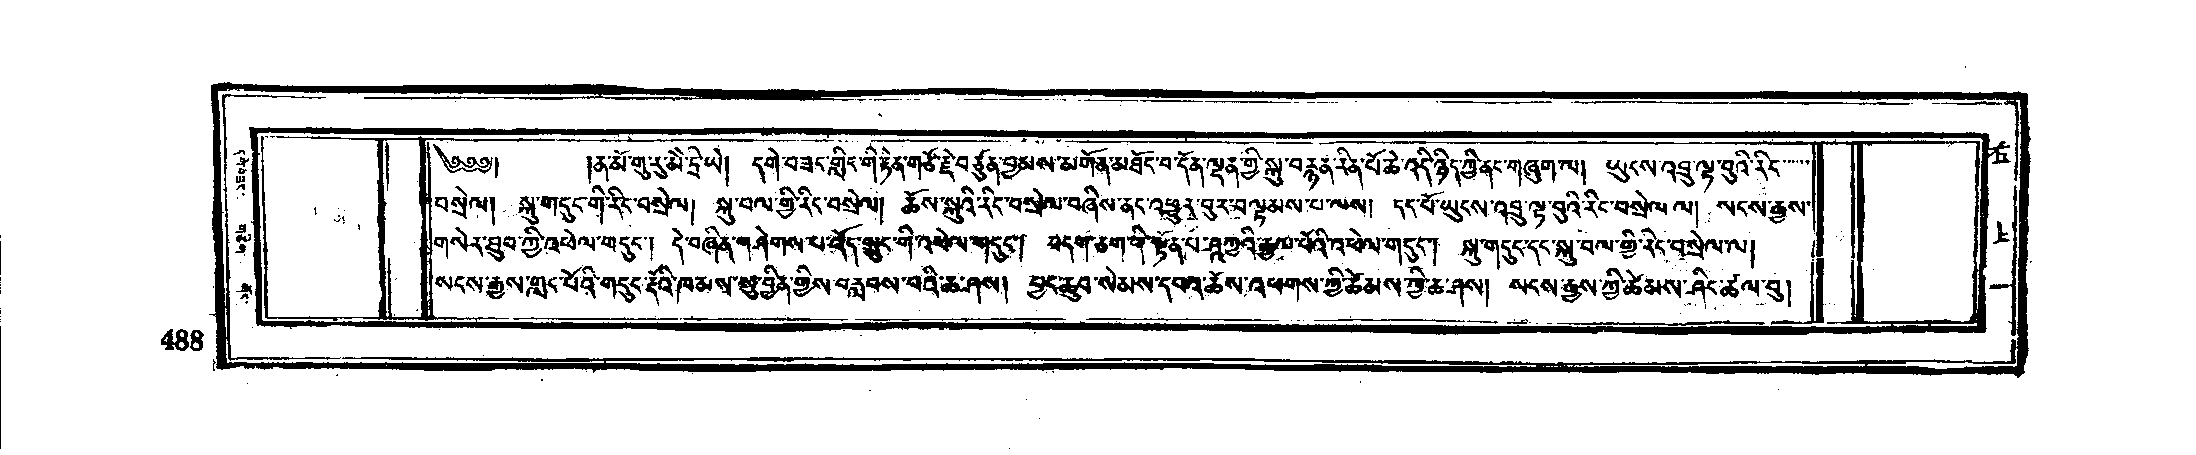༄༅༅། །ན་མོ་གུ་རུ་མཻ་ཏྲི་ཡེ། དགེ་བཟང་གླིང་གི་རྟེན་གཙོ་རྗེ་བཙུན་བྱམས་མགོན་མཐོང་བ་དོན་ལྡན་གྱི་སྐུ་བརྙན་རིན་པོ་ཆེ་འདི་ཉིད་ཀྱི་ནང་གཞུག་ལ། ཡུངས་འབྲུ་ལྟ་བུའི་རིང་
བསྲེལ། སྐུ་གདུང་གི་རིང་བསྲེལ། སྐུ་བལ་གྱི་རིང་བསྲེལ། ཆོས་སྐུའི་རིང་བསྲེལ་བཞིས་ནང་འཕྱུར་བུར་བལྟམས་པ་ལས། དང་པོ་ཡུངས་འབྲུ་ལྟ་བུའི་རིང་བསྲེལ་ལ། སངས་རྒྱས་
གསེར་ཐུབ་ཀྱི་འཕེལ་གདུང་། དེ་བཞིན་གཤེགས་པ་འོད་སྲུང་གི་འཕེལ་གདུང་། བདག་ཅག་དི་སྟོན་པ་ཤཱཀྱའི་རྒྱལ་པོའི་འཕེལ་གདུང་། སྐུ་གདུང་དང་སྐུ་བལ་གྱི་རིང་བསྲེལ་ལ།
སངས་རྒྱས་གླང་པོའི་གདུང་རྡོའི་ཁམས་སུ་བྱིན་གྱིས་བརླབས་བའི་ཆ་ཤས། བྱང་ཆུབ་སེམས་དཔའ་ཆོས་འཕགས་ཀྱི་ཚེམས་ཀྱི་ཆ་ཤས། སངས་རྒྱས་ཀྱི་ཚེམས་ཤིང་ཚལ་བུ།